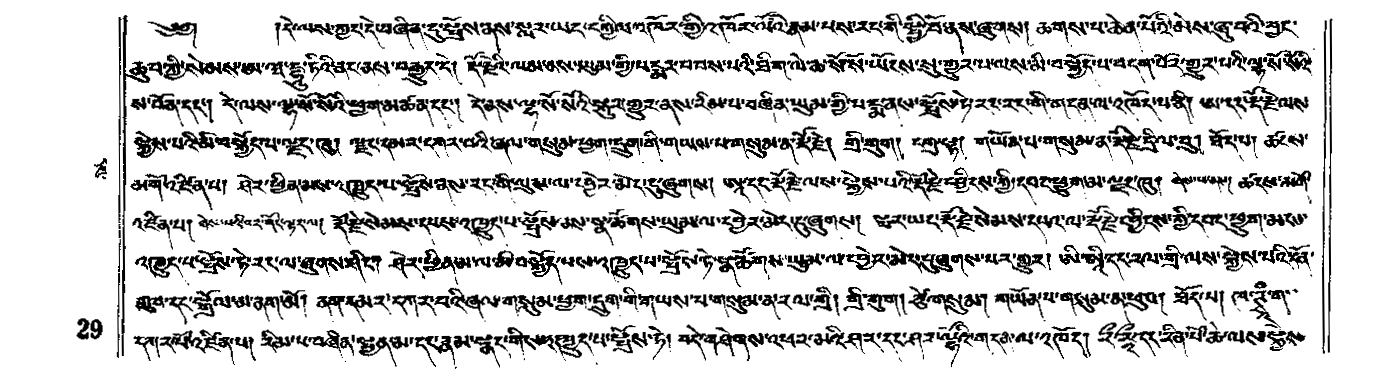༄༅། །དེ་ལས་ཀྱང་དེ་བཞིན་དུ་སྤྲོས་ནས་སླར་ཡང་དཀྱིལ་འཁོར་གྱི་འཁོར་ལོའི་རྣམ་པས་རང་གི་སྤྱི་བོ་ནས་ཞུགས། ཆགས་པ་ཆེན་པོའི་མེས་ཞུ་བའི་བྱང་
ཆུབ་ཀྱི་སེམས་ཨ་ཝ་དྷཱུ་ཏིའི་ནང་ནས་བརྒྱུད་དེ། རྡོ་རྗེའི་ལམ་ནས་ཡུམ་གྱི་པདམར་བབས་པའི་ཐིག་ལེ་ཆ་སོ་སོ་ཡོངས་སུ་གྱུར་པ་ལས་མི་བསྐྱོད་པ་བདག་པོར་གྱུར་པའི་ལྷ་སོ་སོའི་
ས་བོན་དང་། དེ་ལས་ལྷ་སོ་སོའི་ཕྱག་མཚན་དང་། དེ་ནས་ལྷ་སོ་སོའི་སྐུར་གྱུར་ནས་རིམ་པ་བཞིན་ཡུམ་གྱི་པདམ་ནས་སྤྲོས་ཏེ་རང་རང་གི་གདན་ལ་འཁོད་པ་ནི། ཨ་དང་རྡོ་རྗེ་ལས་
སྐྱེས་པའི་མི་བསྐྱོད་པ་ལྗང་ཁུ། ལྗང་དམར་དཀར་བའི་ཞལ་གསུམ་ཕྱག་དྲུག་གི་གཡས་པ་གསུམ་ན་རྡོ་རྗེ། གྲི་གུག། དགྲ་ལྟ། གཡོན་པ་གསུམ་ན་རྡོ་རྗེ་དྲིལ་བུ། ཐོད་པ། ཚངས་
མགོ་འཛིན་པ། ཐེར་ཕྱིན་མས་འཁྱུད་པ་སྤྲོས་ནས་རང་གི་ལུས་ལ་དབྱེར་མེད་དུ་ཞུགས། ཨཱ་དང་རྡོ་རྗེ་ལས་སྐྱེས་པའི་རྡོ་རྗེ་དབྱིངས་ཀྱི་དབང་ཕྱུག་མ་ལྗང་ཁུ། ཞེས་པ་ནས།  ཚངས་མགོ་
འཛིན་པ། ཞེས་པའི་བར་གོང་ལྟར་ལ།  རྡོ་རྗེ་སེམས་དཔས་འཁྱུད་པ་སྤྲོས་ནས་སྣ་ཚོགས་ཡུམ་ལ་དབྱེར་མེད་དུ་ཞུགས། སླར་ཡང་རྡོ་རྗེ་སེམས་དཔའ་ལ་རྡོ་རྗེ་དབྱིངས་ཀྱི་དབང་ཕྱུག་མས་
འཁྱུད་པ་སྤྲོས་ཏེ་རང་ལ་ཞུགས་ཤིང༑ ཤེར་ཕྱིན་མ་ལ་མི་བསྐྱོད་པས་འཁྱུད་པ་སྤྲོས་ཏེ་སྣ་ཚོགས་ཡུམ་ལ་དབྱེར་མེད་དུ་ཞུགས་པར་གྱུར། ཨི་ཨཱི་དང་རལ་གྲི་ལས་སྐྱེས་པའི་དོན་
གྲུབ་དང་སྒྲོལ་མ་ནག་ཨོ། ནག་དམར་དཀར་བའི་ཞལ་གསུམ་ཕྱག་དྲུག་གི་གཡས་པ་གསུམ་ན་རལ་གྲི། གྲི་གུག། རྩེ་གསུམ། གཡོན་པ་གསུམ་ན་ཕུབ། ཐོད་པ། ཁ་ཊྭཱཾ་ག་
དཀར་པོ་འཛིན་པ། རིམ་པ་བཞིན་སྤྱན་མ་དང་རྣམ་སྣང་གིས་འཁྱུད་པ་སྤྲོས་ཏེ། བདེ་གཤེགས་འཕར་མའི་ཤར་དང་ཤར་ལྷོའི་གདན་ལ་འཁོད། རྀ་རཱྀ་དང་རིན་པོ་ཆེ་ལས་སྐྱེས་